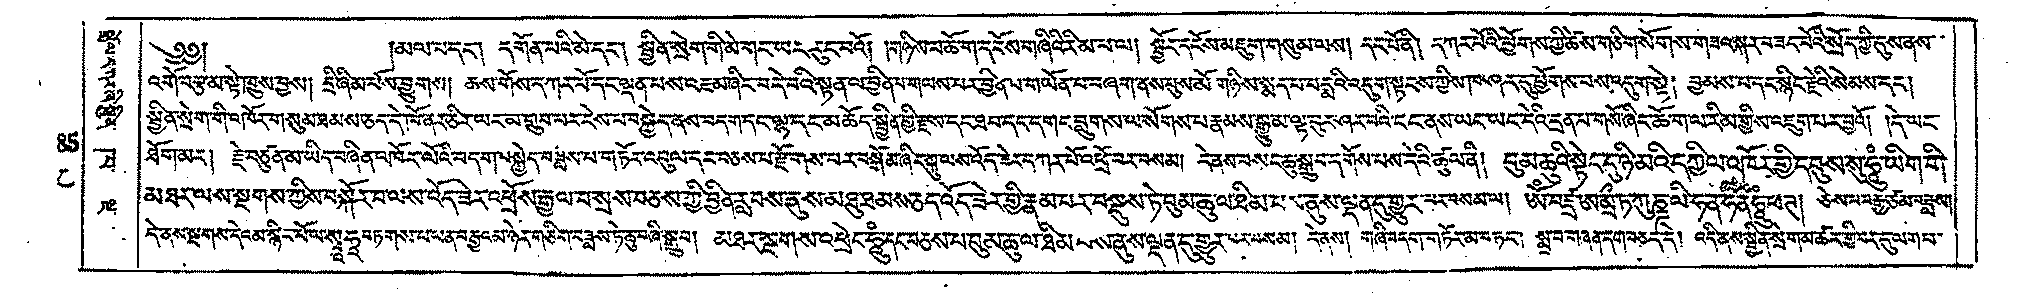༄༅། །མལ་པ་དང་། དགོན་པའི་མེ་དང་། སྦྱིན་སྲེག་གི་མེ་གང་ཡང་རུང་བའོ། །གཉིས་པ་ཆོ་ག་དངོས་གཞིའི་རིམ་པ་ལ། སྦྱོར་དངོས་མཇུག་གསུམ་ལས། དང་པོ་ནི། དཀར་པོའི་ཕྱོགས་ཀྱི་ཚེས་གཅིག་སོགས་གཟའ་སྐར་བཟང་པོའི་སྲོད་ཀྱི་དུས་ནས་་་
འགོ་བརྩམ་སྟེ་ཁྲུས་བྱས། དྲི་ཞིམ་པོས་བྱུགས། ཆས་གོས་དཀར་པོ་དང་ལྡན་པས་འཇམ་ཞིང་བདེ་བའི་སྟན་ལ་བྱིན་པ་གཡས་པར་བྱིན་པ་གཡོན་པ་བཞག་ནས་པུས་མོ་གཉིས་སྨད་པ་པདམའི་འདུག་སྟངས་ཀྱིས་ཁ་ཤར་དུ་ཕྱོགས་པས་འདུག་སྟེ། བྱམས་པ་དང་སྙིང་རྗེའི་སེམས་དང་།
སྦྱིན་སྲེག་གི་འཁོར་གསུམ་ཐམས་ཅད་དེ་ཁོ་ནར་ཅིར་ཡང་མ་གྲུབ་པར་ངེས་པ་བསྐྱེད་ནས་བདག་དང་ལྷ་དང་མཆོད་སྦྱིན་གྱི་རྫས་དང་ཐབ་དང་དགང་བླུགས་ལ་སོགས་པ་རྣམས་སྒྱུ་མ་ལྟ་བུར་ཤར་བའི་ངང་ནས་ཡང་ཡང་དེའི་དྲན་པ་གསོ་ཞིང་ཆོ་ག་ལ་རིམ་གྱིས་འཇུག་པར་བྱའོ། །དེ་ཡང་
ཐོག་མར། རྗེ་བཙུན་མ་ཡིད་བཞིན་འཁོར་ལོའི་བདག་བསྐྱེད་བཟླས་པ་གཏོར་འབུལ་དང་བཅས་པ་རྫོགས་པར་བསྒོམ་ཞིང་སྐུ་ལས་འོད་ཟེར་དཀར་པོ་འཕྲོ་བར་བསམ། དེ་ནས་བསང་ཆུ་སྒྲུབ་དགོས་པས་དེའི་ཚུལ་ནི། བུམ་ཆུའི་སྟེང་དུ་ཉི་མའི་དཀྱིལ་འཁོར་གྱི་དབུས་སུ་ཧཱུཾ་ཡིག་གི་
མཐར་ལས་སྔགས་ཀྱིས་བསྐོར་བ་ལས་འོད་ཟེར་འཕྲོས་རྒྱལ་བ་སྲས་བཅས་ཀྱིས་བྱིན་རླབས་ནུས་མཐུ་ཐམས་ཅད་འོད་ཟེར་གྱི་རྣམ་པར་བསྡུས་ཏེ་བུམ་ཆུ་ལ་ཐིམ་པས་ནུས་ལྡན་དུ་གྱུར་པར་བསམ་ལ།  ཨོཾ་བཛྲ་ཨམྲྀ་ཏ་ཀུཎྜ་ལི་ཧ་ན་ཧ་ན་ཧཱུཾ་ཕཌ། ཅེས་པ་བརྒྱ་ཙམ་བཟླས།
དེ་ནས་སྔགས་དེའམ་སྙིང་པོ་ལ་སྭཱཧཱ་བཏགས་པ་ལན་བརྒྱའམ་ཉེར་གཅིག་བཟླས་ཏེ་ཆུ་བཞི་སྒྲུབ། མཐར་སྔགས་འཕྲེང་ཧཱུཾ་དང་བཅས་པ་བུམ་ཆུ་ལ་ཐིམ་པས་ནུས་ལྡན་དུ་གྱུར་པར་བསམ། དེ་ནས། གཞི་བདག་གཏོར་མ་བཏང་། སྨྲ་བ་གཞན་དག་བཅད་དེ། འདི་ནས་སྦྱིན་སྲེག་མ་ཚར་གྱི་བར་དུ་ལག་པ་